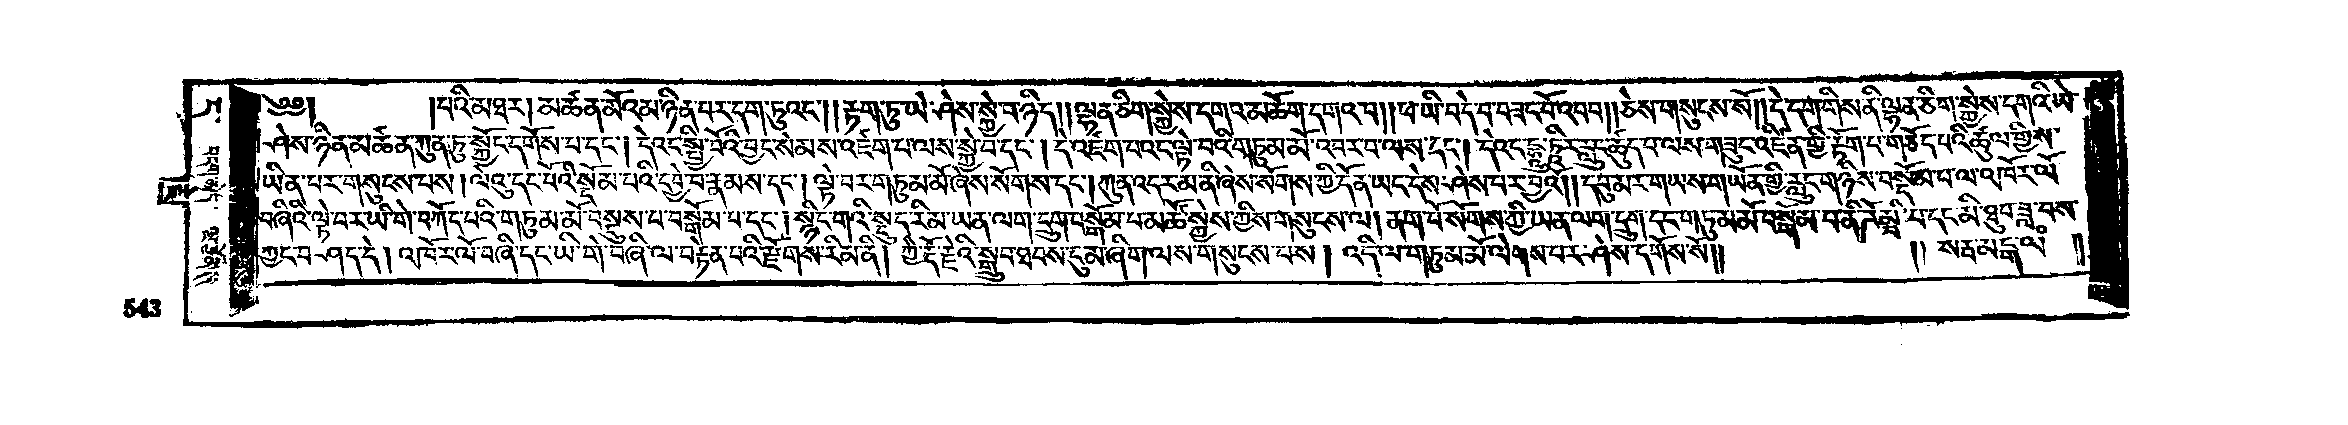༄༅། །པའི་མཐར། མཚན་མོའམ་ཉིན་པར་དག་ཏུའང་། །རྟག་ཏུ་ཡེ་ཤེས་སྐྱེ་བ་ཉིད། །ལྷན་ཅིག་སྐྱེས་དགའ་མཆོག་དགའ་བ། །ཕ་ཡི་བདེ་བ་བཟང་པོ་འབབ། །ཅེས་གསུངས་སོ། །དེ་དག་གིས་ནི་ལྷན་ཅིག་སྐྱེས་དགའི་ཡེ་
ཤེས་ཉིན་མཚན་ཀུན་ཏུ་སྐྱོང་དགོས་པ་དང་། དེའང་སྤྱི་བོའི་བྱང་སེམས་འཛག་པ་ལས་སྐྱེ་བ་དང་། དེ་འཛག་པའང་ལྟེ་བའི་གཏུམ་མོ་འབར་བ་ལས་དང་། དེའང་དྷཱུ་ཏཱིར་རླུང་ཚུད་པ་ལས་གཟུང་འཛིན་གྱི་རྟོག་པ་གཅོད་པའི་ཚུལ་གྱིས་
ཡིན་པར་གསུངས་པས། ལེའུ་དང་པོའི་སྡོམ་པའི་དབྱེ་བ་རྣམས་དང་། ལྟེ་བར་གཏུམ་མོ་ཞེས་སོགས་དང་། ཀུན་འདར་མ་ནི་ཞེས་སོགས་ཀྱི་དོན་ཡང་དེས་ཤེས་པར་བྱའོ། །དབུ་མར་གཡས་གཡོན་གྱི་རླུང་གཉིས་བསྡོམ་པ་ལ་འཁོར་ལོ་
བཞིའི་ལྟེ་བར་ཡི་གེ་བཀོད་པའི་གཏུམ་མོ་བསྡུས་པ་བསྒོམ་པ་དང་། སྙིང་གའི་སྡུད་རིམ་ཡན་ལག་དྲུག་བསྒོམ་པ་མཚོ་སྐྱེས་ཀྱིས་གསུངས་ལ། ནག་པོ་སོགས་ཀྱི་ཡན་ལག་དྲུག་དང་གཏུམ་མོ་བསྒོམ་པ་ནི་ཌོམྦི་པ་དང་མི་ཐུབ་ཟླ་བས་
ཀྱང་བཤད་དེ། འཁོར་ལོ་བཞི་དང་ཡི་གེ་བཞི་ལ་བརྟེན་པའི་རྫོགས་རིམ་ནི། ཀྱཻ་རྡོ་རྗེའི་སྒྲུབ་ཐབས་དུ་མ་ཞིག་ལས་གསུངས་པས། འདི་ལ་གཏུམ་མོ་ལེགས་པར་ཤེས་དགོས་སོ།། །།སརྦ་མངྒ་ལཾ་།།